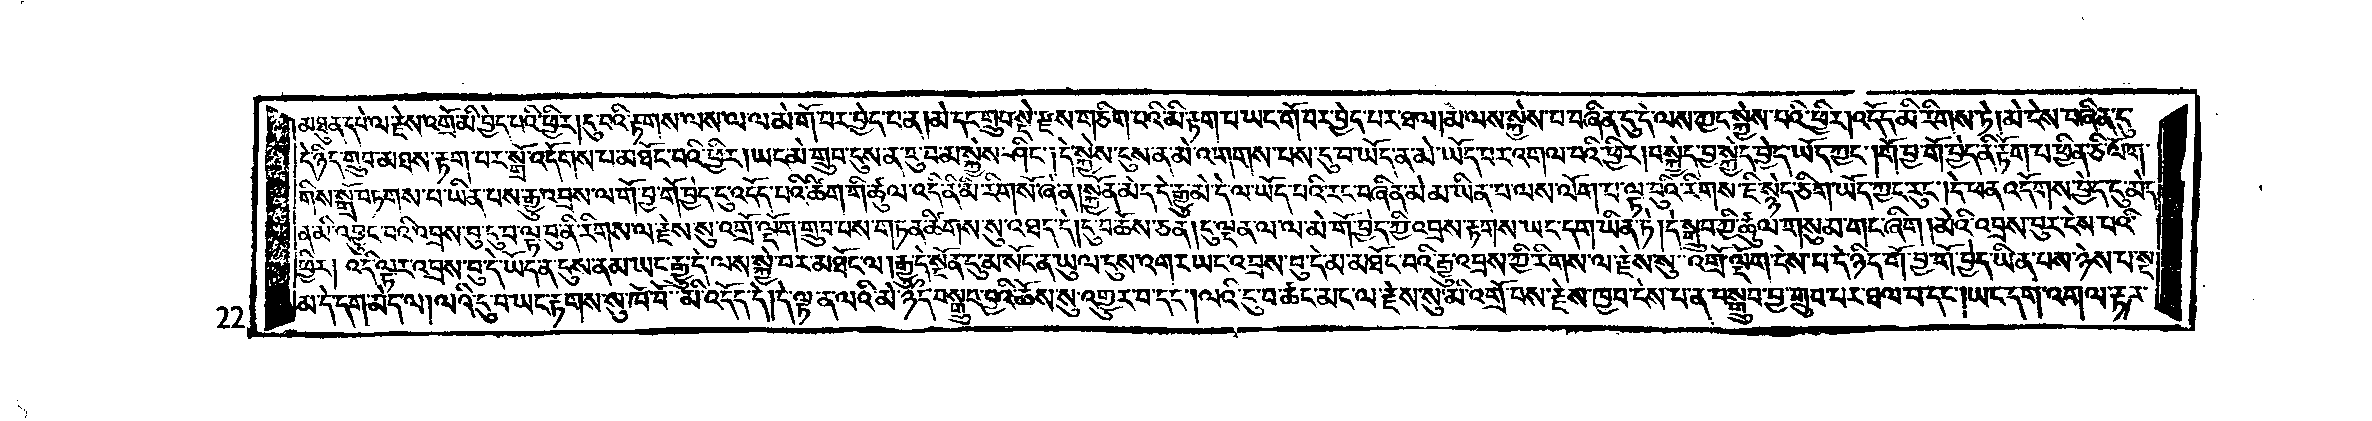མཐུན་དཔེ་ལ་རྗེས་འགྲོ་མི་བྱེད་པའི་ཕྱིར། དུ་བའི་རྟགས་ལས་ལ་ལ་མེ་གོ་བར་བྱེད་པ་ན། མེ་དང་གྲུབ་སྡེ་རྫས་གཅིག་པའི་མི་རྟག་པ་ཡང་གོ་བར་བྱེད་པར་ཐལ། མེ་ལས་སྐྱེས་པ་བཞིན་དུ་དེ་ལས་ཀྱང་སྐྱེས་པའི་ཕྱིར། འདོད་མི་རིགས་ཏེ། མེ་ངེས་བཞིན་དུ་
དེ་ཉིད་གྲུབ་མཐས་རྟག་པར་སྒྲོ་འདོགས་པ་མཐོང་བའི་ཕྱིར། ཡང་མེ་གྲུབ་དུས་ན་དུ་བ་མ་སྐྱེས་ཤིང་། དེ་སྐྱེས་དུས་ན་མེ་འགགས་པས་དུ་བ་ཡོད་ན་མེ་ཡོད་པར་འགལ་བའི་ཕྱིར། བསྐྱེད་བྱ་སྐྱེད་བྱེད་ཡོད་ཀྱང་། གོ་བྱ་གོ་བྱེད་ནི་རྟོག་པ་ཕྱིན་ཅི་ལོག་
གིས་སྒྲོ་བཏགས་པ་ཡིན་པས་རྒྱུ་འབྲས་ལ་གོ་བྱ་གོ་བྱེད་དུ་འདོད་པའི་ཚུལ་འདི་ནི་མི་རིགས་སོ་ཞེ་ན། སྐྱོན་མེད་དེ་རྒྱུ་མེ་དེ་ལ་ཡོད་པའི་རང་བཞིན་མེ་མ་ཡིན་པས་ལོག་པ་ལྟ་བུའི་རིགས་ཇི་སྙེད་ཅིག་ཡོད་ཀྱང་རུང་། དེ་ཕན་འདོགས་བྱེད་དུ་མེད་
ན་མི་འབྱུང་བའི་འབྲས་བུ་དུ་བ་ལྟ་བུ་ནི་རིགས་ལ་རྗེས་སུ་འགྲོ་ལྡོག་གྲུབ་པས་གཏན་ཚིགས་སུ་འཐད་དེ། དུ་བ་ཆོས་ཅན། དུ་ལྡན་ལ་ལ་མེ་གོ་བྱེད་ཀྱི་འབྲས་རྟགས་ཡང་དག་ཡིན་ཏེ། དེ་སྒྲུབ་ཀྱི་ཚུལ་གསུམ་གང་ཞིག །མེའི་འབྲས་བུར་ངེས་པའི་
ཕྱིར། འདི་ལྟར་འབྲས་བུ་དེ་ཡོད་ན་དུས་ནམ་ཡང་རྒྱུ་དེ་ལས་སྐྱེ་བར་མཐོང་ལ། རྒྱུ་དེ་སྔོན་དུ་མ་སོང་ན་ཡུལ་དུས་འགར་ཡང་འབྲས་བུ་དེ་མ་མཐོང་བའི་རྒྱུ་འབྲས་ཀྱི་རིགས་ལ་རྗེས་སུ་འགྲོ་ལྡོག་ངེས་པ་དེ་ཉིད་གོ་བྱ་གོ་བྱེད་ཡིན་པས་ཉེས་པ་སྔ་
མ་དེ་དག་མེད་ལ། ལའི་དུ་བ་ཡང་རྟགས་སུ་ཁོ་བོ་མི་འདོད་དེ། དེ་ལྟ་ན་ལའི་མེ་ཉིད་བསྒྲུབ་བྱའི་ཆོས་སུ་འགྱུར་བ་དང་། ལའི་དུ་བ་ཚང་མང་ལ་རྗེས་སུ་མི་འགྲོ་བས་རྗེས་ཁྱབ་ངེས་ན་བསྒྲུབ་བྱ་གྲུབ་པར་ཐལ་བ་དང་། ཡང་དག་འགལ་རྟཌ་?